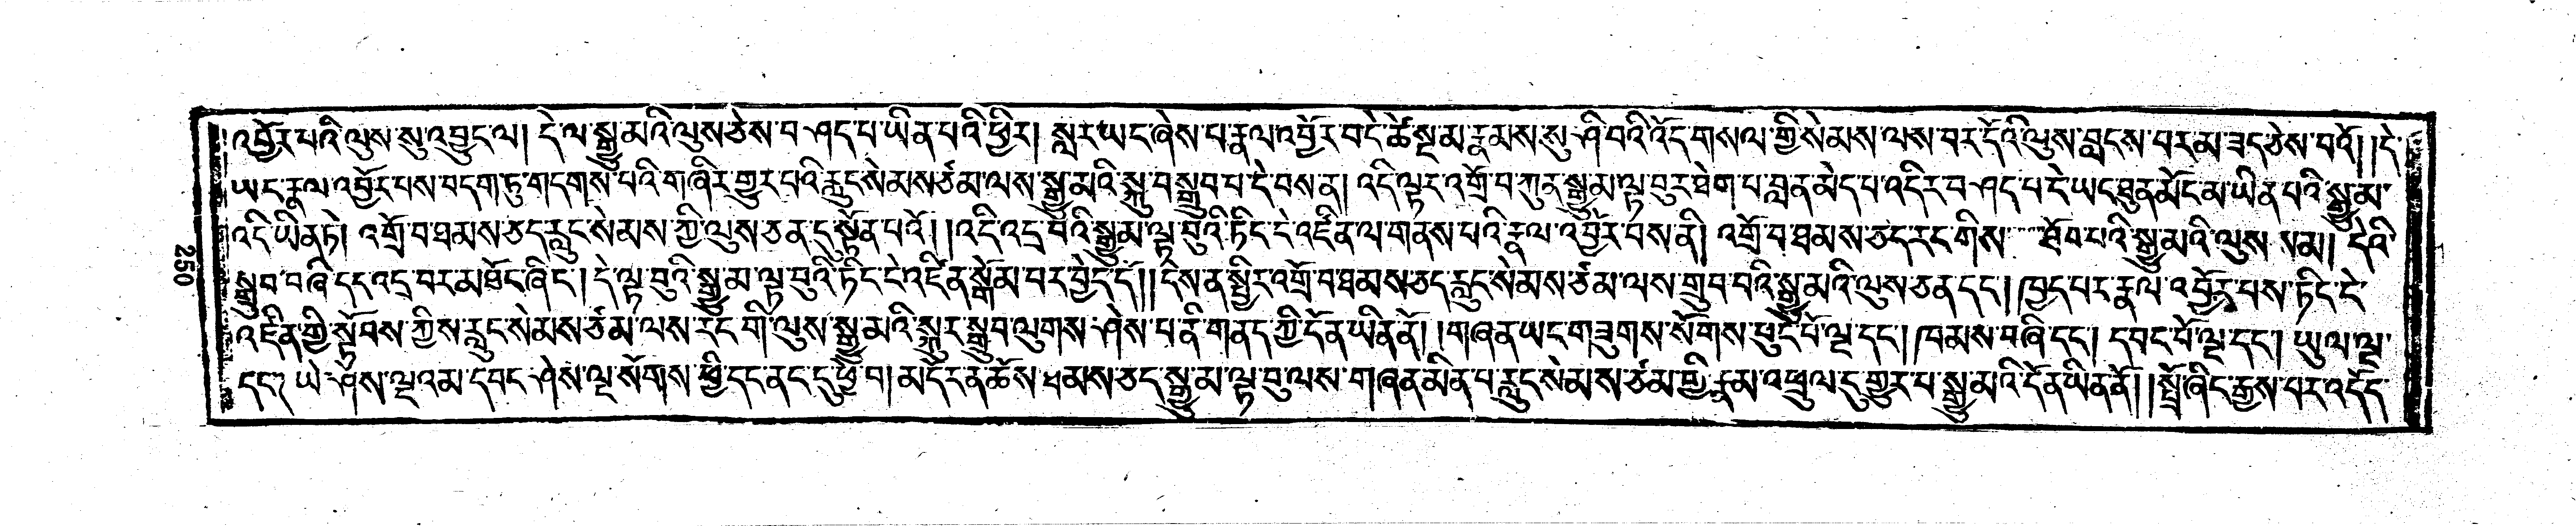འབྱོར་པའི་ལུས་སུ་འབྱུང་ལ། དེ་ལ་སྒྱུ་མའི་ལུས་ཅེས་བཤད་པ་ཡིན་པའི་ཕྱིར། སླར་ཡང་ཞེས་པ་རྣལ་འབྱོར་པ་དེ་ཚེ་སྔ་མ་རྣམས་སུ་ཤི་བའི་འོད་གསལ་གྱི་སེམས་ལས་བར་དོའི་ལུས་བླངས་པར་མ་ཟད་ཅེས་པའོ། །དེ་
ཡང་རྣལ་འབྱོར་པས་བདག་ཏུ་གདགས་པའི་གཞིར་གྱུར་པའི་རླུང་སེམས་ཙམ་ལས་སྒྱུ་མའི་སྐུ་བསྒྲུབ་པ་དེ་བས་ན། འདི་ལྟར་འགྲོ་བ་ཀུན་སྒྱུ་མ་ལྟ་བུར་ཐེག་པ་བླ་ན་མེད་པ་འདིར་བཤད་པ་དེ་ཡང་ཐུན་མོང་མ་ཡིན་པའི་སྒྱུ་མ་
འདི་ཡིན་ཏེ། འགྲོ་བ་ཐམས་ཅད་རླུང་སེམས་ཀྱི་ལུས་ཅན་དུ་སྟོན་པའོ། །འདི་འདྲ་བའི་སྒྱུ་མ་ལྟ་བུའི་ཏིང་ངེ་འཛིན་ལ་གནས་པའི་རྣལ་འབྱོར་བས་ནི། འགྲོ་བ་ཐམས་ཅད་རང་གིས་ཐོབ་པའི་སྒྱུ་མའི་ལུས་སམ། དེའི་
སྒྲུབ་བཞི་དང་འདྲ་བར་མཐོང་ཞིང་། དེ་ལྟ་བུའི་སྒྱུ་མ་ལྟ་བུའི་ཏིང་ངེ་འཛིན་སྒོམ་པར་བྱེད་དོ། །དེས་ན་སྤྱིར་འགྲོ་བ་ཐམས་ཅད་རླུང་སེམས་ཙམ་ལས་གྲུབ་པའི་སྒྱུ་མའི་ལུས་ཅན་དང་། ཁྱད་པར་རྣལ་འབྱོར་པས་ཏིང་ངེ་
འཛིན་གྱི་སྟོབས་ཀྱིས་རླུང་སེམས་ཙམ་ལས་རང་གི་ལུས་སྒྱུ་མའི་སྐུར་སྒྲུབ་ལུགས་ཤེས་པ་ནི་གནད་ཀྱི་དོན་ཡིན་ནོ། །གཞན་ཡང་གཟུགས་སོགས་ཕུང་པོ་ལྔ་དང་། ཁམས་བཞི་དང་། དབང་པོ་ལྔ་དང་། ཡུལ་ལྔ་
དང༑ ཡེ་ཤེས་ལྔའམ་དབང་ཤེས་ལྔ་སོགས་ཕྱི་དང་ནང་དུ་ཕྱེ་བ། མདོར་ན་ཆོས་ཐམས་ཅད་སྒྱུ་མ་ལྟ་བུ་ལས་གཞན་མིན་པ་རླུང་སེམས་ཙམ་གྱི་རྣམ་འཕྲུལ་དུ་གྱུར་པ་སྒྱུ་མའི་དོན་ཡིན་ནོ། །སྤྲོ་ཞིང་རྒྱས་པར་འདོད་